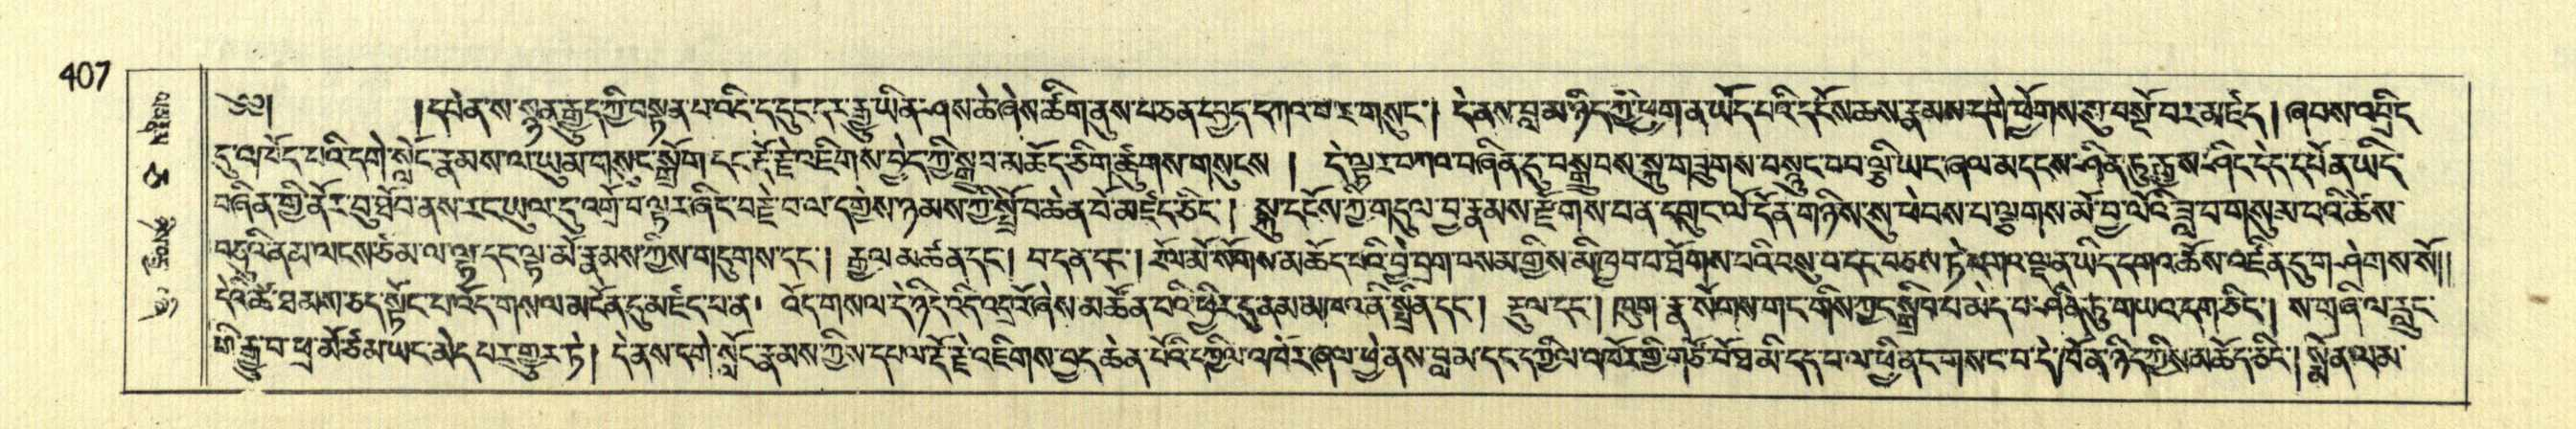༄༅། །དབེན་ས་སྙན་རྒྱུད་ཀྱི་བསྟན་པ་འདི་ད་དུང་དར་རྒྱུ་ཡིན་ཤས་ཆེ་ཞེས་ཚིག་ནུས་པ་ཅན་དབྱད་དཀའ་བར་གསུང་། དེ་ནས་བླ་མ་ཉིད་ཀྱི་ཕྱག་ན་ཡོད་པའི་དངོས་ཆས་རྣམས་དགེ་ཕྱོགས་སུ་བསྔོ་བར་མཛད། ཞབས་འབྲིང་
དུ་འཁོད་པའི་དགེ་སློང་རྣམས་ལ་ཡུམ་གསུང་སྒྲོག་དང་རྡོ་རྗེ་འཇིགས་བྱེད་ཀྱི་སྒྲུབ་མཆོད་ཅིག་ཚུགས་གསུངས། དེ་ལྟར་བཀའ་བཞིན་དུ་བསྒྲུབས་སྐུ་གཟུགས་བསྙུང་བབ་ལྕི་ཡང་ཞལ་མདངས་ཤིན་ཏུ་རྒྱས་ཤིང་དེད་དཔོན་ཡིད་
བཞིན་གྱི་ནོར་བུ་ཐོབ་ནས་རང་ཡུལ་དུ་འགྲོ་བ་ལྟར་ཞིང་བརྗེ་བ་ལ་དགྱེས་ཉམས་ཀྱི་སྤྲོ་བ་ཆེན་བོ་མཛད་ཅིང་། སྐུ་དངོས་ཀྱི་གདུལ་བྱ་རྣམས་རྫོགས་པ་ན་དགུང་ལོ་དོན་གཉིས་སུ་ཕེབས་པ་ལྕགས་མོ་བྱ་ལོའི་ཟླ་བ་གསུམ་པའི་ཚེས་
བཅུའི་ནམ་ལངས་ཙམ་ལ་ལྷ་དང་ལྷ་མོ་རྣམས་ཀྱིས་གདུགས་དང་། རྒྱལ་མཚན་དང་། བ་དན་དང་། རོལ་མོ་སོགས་མཆོད་པའི་བྱེ་བྲག་བསམ་གྱིས་མི་ཁྱབ་བ་ཐོགས་པའི་བསུ་བ་དང་བཅས་ཏེ་དགའ་ལྡན་ཡིད་དགའ་ཆོས་འཛིན་དུ་གཤེགས་སོ།།
དེའི་ཚེ་ཐམས་ཅད་སྟོང་པ་འོད་གསལ་མངོན་དུ་མཛད་པ་ན། འོད་གསལ་དེ་ཉིད་འདི་འདྲའོ་ཞེས་མཚོན་པའི་ཕྱིར་དུ་ནམ་མཁའ་ནི་སྤྲིན་དང་། རྡུལ་དང་། ཁུག་རྣ་སོགས་གང་གིས་ཀྱང་སྒྲིབ་པ་མེད་པ་ཤིན་ཏུ་གཡའ་དག་ཅིང་། ས་གཞི་ལ་རླུང་
གི་རྒྱུ་བ་ཕྲ་མོ་ཙམ་ཡང་མེད་པར་གྱུར་ཏེ། དེ་ནས་དགེ་སློང་རྣམས་ཀྱིས་དཔལ་རྡོ་རྗེ་འཇིགས་བྱད་ཆེན་པོའི་དཀྱིལ་འཁོར་ཞལ་ཕྱེ་ནས་བླ་མ་དང་དཀྱིལ་འཁོར་གྱི་གཙོ་བོ་ཐ་མི་དད་པ་ལ་ཕྱི་ནང་གསང་བ་དེ་ཁོ་ན་ཉིད་ཀྱིས་མཆོད་ཅིང་། སྨོན་ལམ་